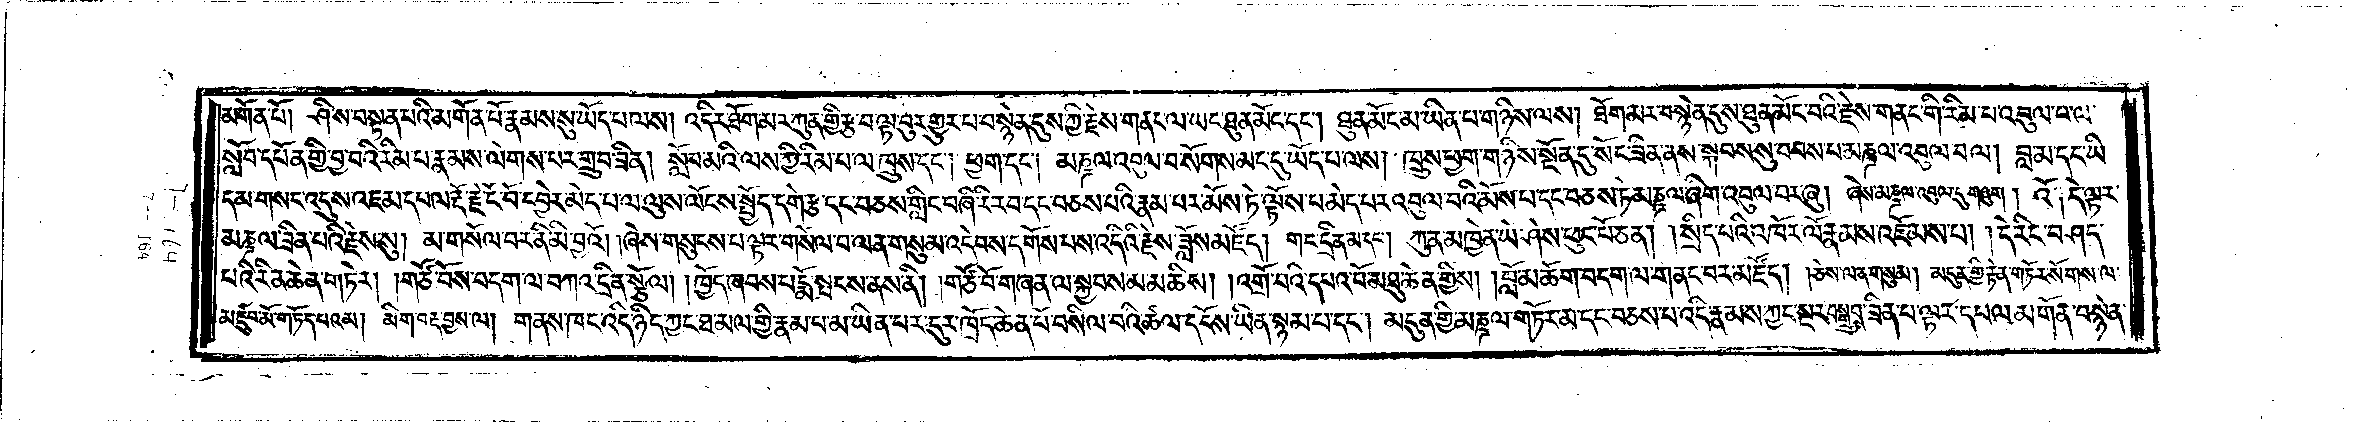མགོན་པོ། ཤིས་བསྟན་པའི་མགོན་པོ་རྣམས་སུ་ཡོད་པ་ལས། འདིར་ཐོག་མར་ཀུན་གྱི་རྩ་བ་ལྟ་བུར་གྱུར་པ་བསྙེན་དུས་ཀྱི་རྗེས་གནང་ལ་ཡང་ཐུན་མོང་དང་། ཐུན་མོང་མ་ཡིན་པ་གཉིས་ལས། ཐོག་མར་བསྙེན་དུས་ཐུན་མོང་བའི་རྗེས་གནང་གི་རིམ་པ་འབུལ་བ་ལ་
སློབ་དཔོན་གྱི་བྱ་བའི་རིམ་པ་རྣམས་ལེགས་པར་གྲུབ་ཟིན། སློབ་མའི་ལས་ཀྱི་རིམ་པ་ལ་ཁྲུས་དང་། ཕྱག་དང་། མཎྜལ་འབུལ་བ་སོགས་མང་དུ་ཡོད་པ་ལས། ཁྲུས་ཕྱག་གཉིས་སྔོན་དུ་སོང་ཟིན་ནས་སྐབས་སུ་བབས་པ་མཎྜལ་འབུལ་བ་ལ། བླ་མ་དང་ཡི་
དམ་གསང་འདུས་འཇམ་དཔལ་རྡོ་རྔོ་ངོ་བོ་དབྱེར་མེད་པ་ལ་ལུས་ལོངས་སྤྱོད་དགེ་རྩ་དང་བཅས་གླིང་བཞི་རི་རབ་དང་བཅས་པའི་རྣམ་པར་མོས་ཏེ་ལྟོས་པ་མེད་པར་འབུལ་བའི་མོས་པ་དང་བཅས་ཏེ་མཎྜལ་ཞིག་འབུལ་བར་ཞུ། ཞེས་མཎྜལ་འབུལ་དུ་གཞུག་།འོ༑ དེ་ལྟར་
མཎྜལ་ཟིན་པའི་རྗེས་སུ། མ་གསོལ་བར་ནི་མི་བྱའོ། །ཞེས་གསུངས་པ་ལྟར་གསོལ་བ་ཡན་གསུམ་འདེབས་དགོས་པས་འདིའི་རྗེས་ཟློས་མཛོད། གང་དྲིན་མ་དང་།  ཀུན་མཁྱེན་ཡེ་ཤེས་ཕུང་པོ་ཅན། །སྲིད་པའི་འཁོར་ལོ་རྣམས་འཇོམས་པ། །དེ་རིང་བཤད་
པའི་རིན་ཆེན་གཏེར། །གཙོ་བོས་བདག་ལ་བཀའ་དྲིན་སྩོལ། །ཁྱོད་ཞབས་པདམོ་སྤངས་ནས་ནི། །གཙོ་བོ་གཞན་ལ་སྐྱབས་མ་མཆིས། །འགྲོ་བའི་དཔའ་བོ་མཐུ་ཆེན་གྱིས། །བློ་མཆོག་བདག་ལ་གནང་བར་མཛོད། །ཅེས་ལན་གསུམ། མདུན་གྱི་རྟེན་གཏོར་སོགས་ལ་
མཛུབ་མོ་གཏོད་པའམ། མིག་བརྡ་བྱས་ལ། གནས་ཁང་འདི་ཉིད་ཀྱང་ཐ་མལ་གྱི་རྣམ་པ་མ་ཡིན་པར་དུར་ཁྲོད་ཆེན་པོ་བསིལ་བའི་ཚལ་དངོས་ཡིན་སྙམ་པ་དང་། མདུན་གྱི་མཎྜལ་གཏོར་མ་དང་བཅས་པ་འདི་རྣམས་ཀྱང་སྔར་བསྒྲུབས་བྲིན་པ་ལྟར་དཔལ་མགོན་བསྙེན་